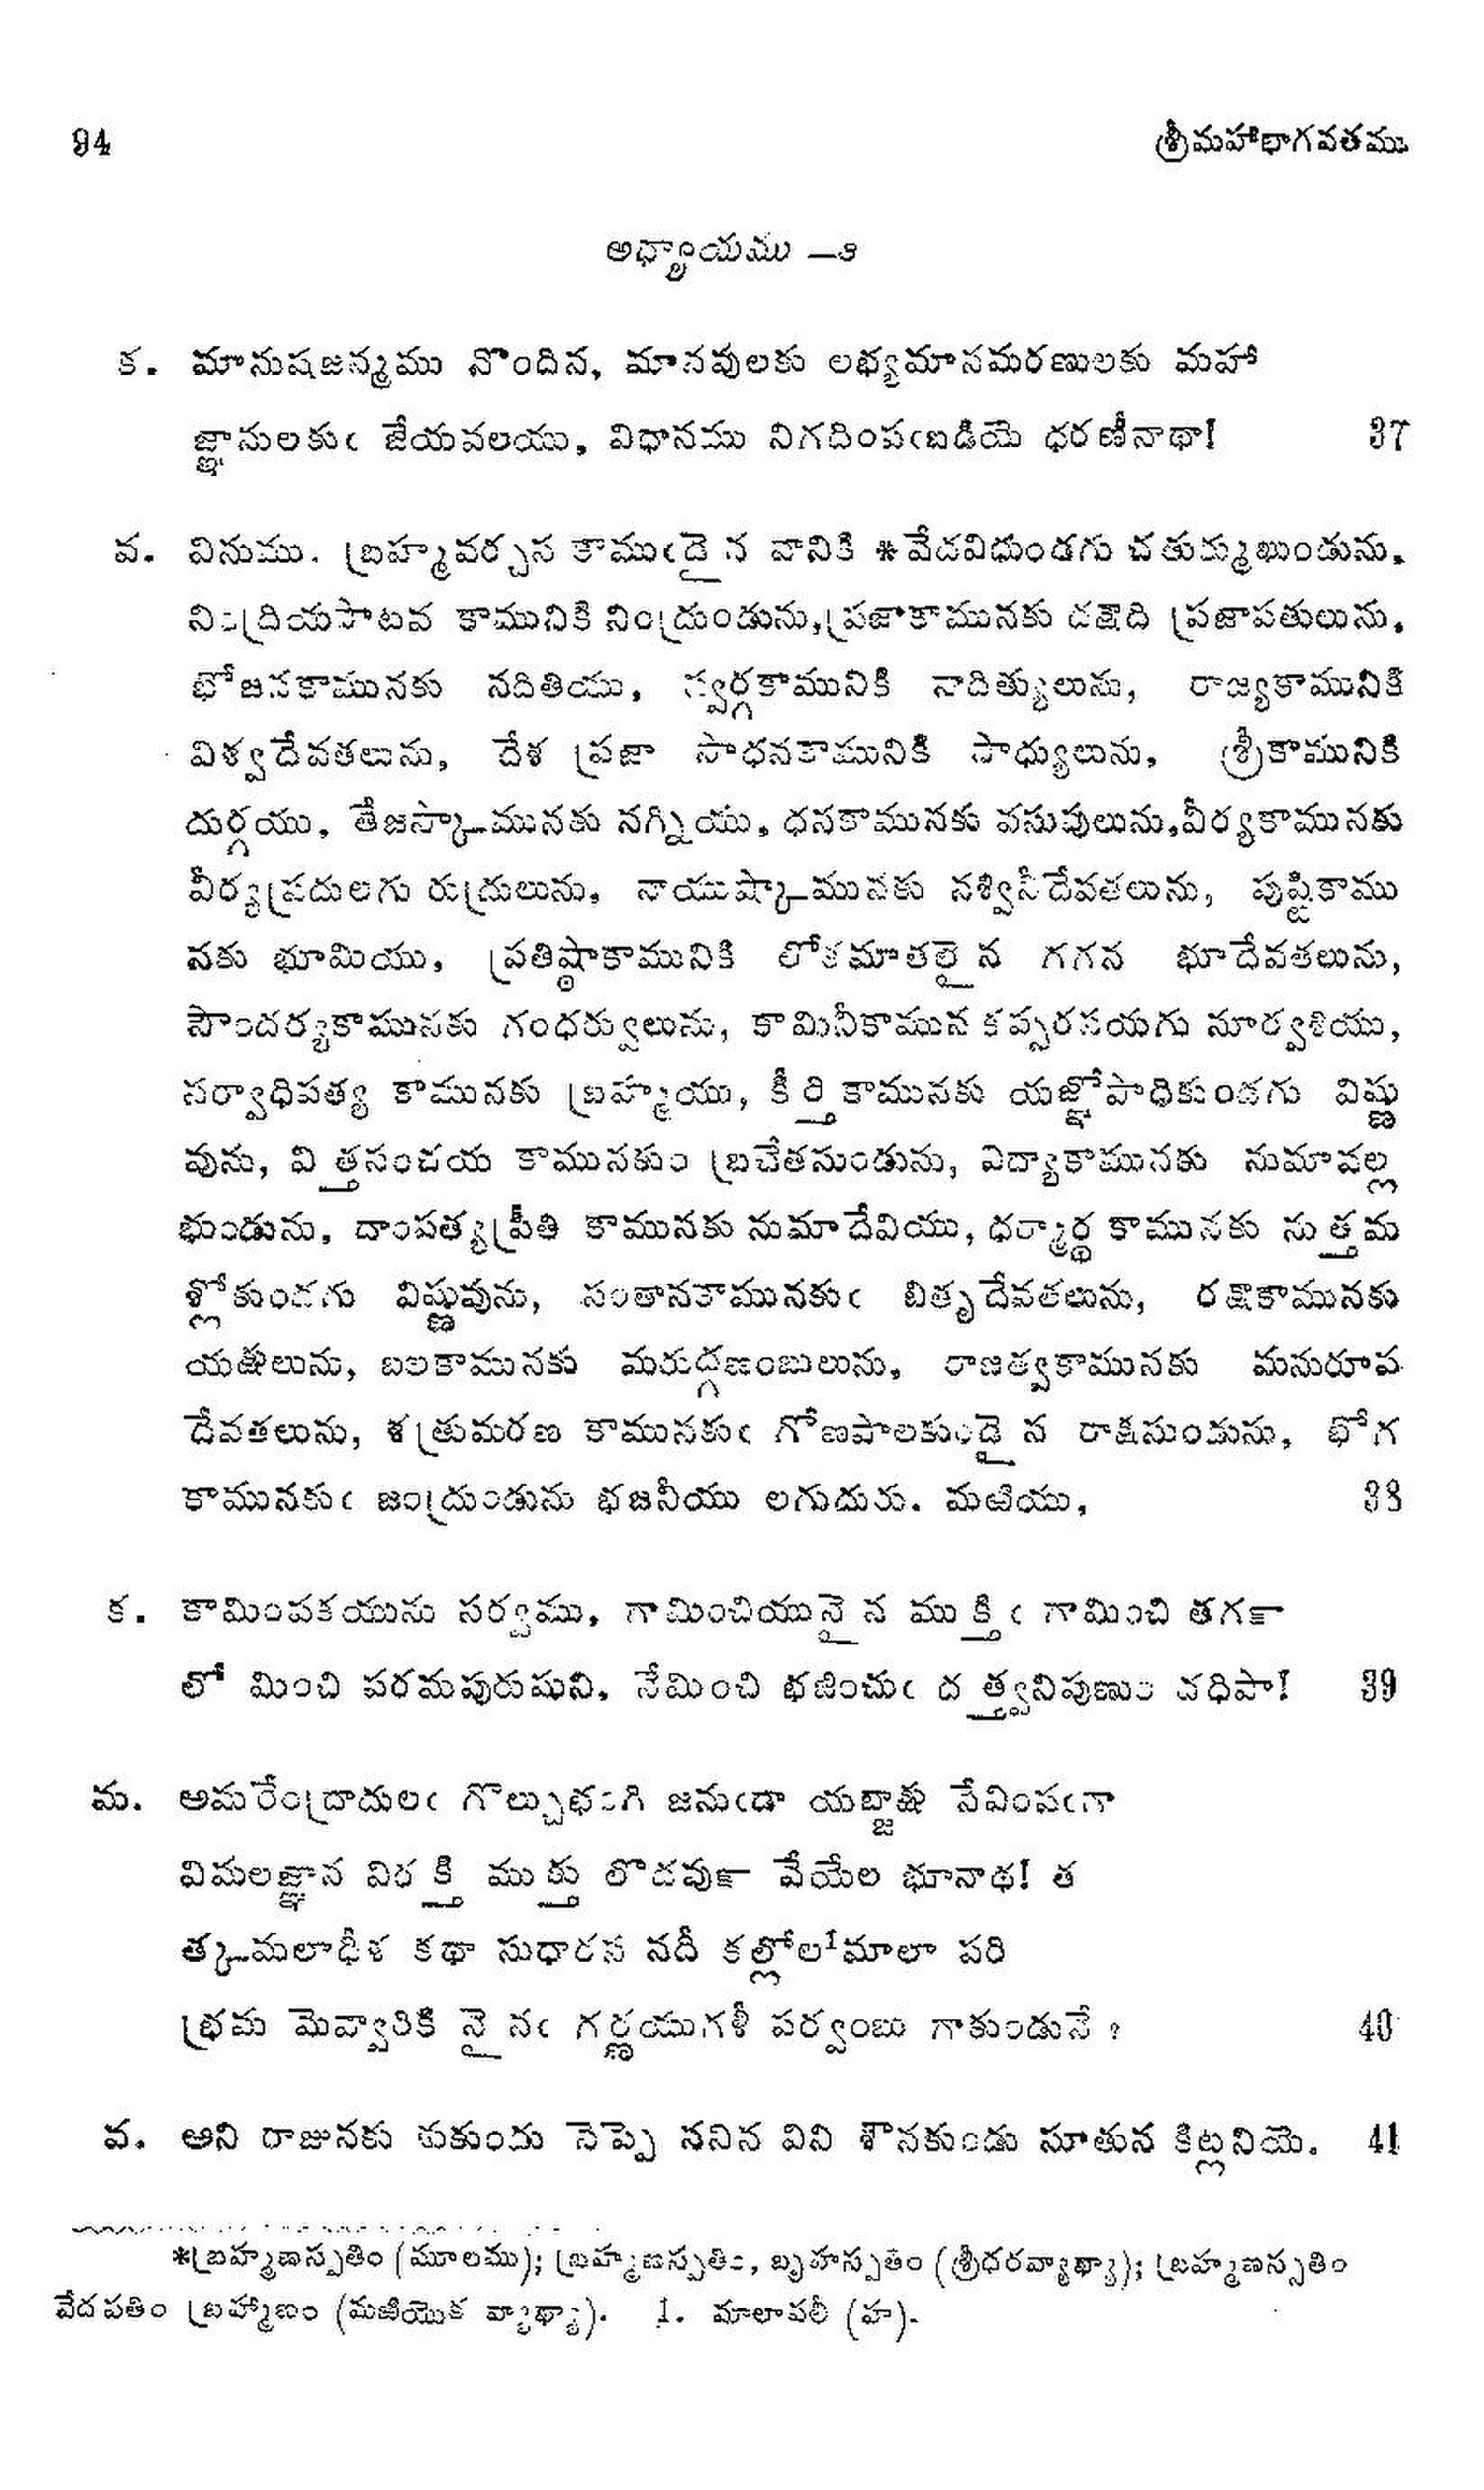94

క. మనుషజన్మము నొందిన. మానవులకు లభ్యమానమరణులకు మహో

జ్ఞానులకుఁ జేయవలయు, విధానము నిగదొంపఁబడియె ధరణీనాథా ! (37)

వ. వినుము బ్రహ్మవర్చస కాముఁడైన వానికి వేదవిభుండగు చతుర్ముఖుండును, నింద్రియపాటవ కామునికి నింద్రుండును, ప్రజాకామునకు దక్షాది ప్రజాపతులును, 

భోజనకామునకు నదితియు, స్వర్గకామునికి నాదిత్యులును, రాజ్యకామకుని విశ్వదేవతలును, దేశ ప్రజా సాధనకామునికి సాధ్యులును, , శ్రీకామునికి దుర్గయు, 

తేజష్కామునకు నగ్నియు, ధనకామునకు వసువులును, వీర్యకామునకు వీర్యప్రదులగు రుద్రులును, నాయుప్కామునకు నశ్వినీదేవతలును, పుష్ఠికామునకు 

భూమియు, ప్రతిష్టాకామునుకి లోకమాతలైన గగన భూదేవతలును, సౌందర్యకామునకు గంధర్వులును, కామినీకామున కప్పరసయగు నూర్వశియు, సర్వాదిపత్య 

కామునకు బ్రహ్మయు, కీర్తికామునకు యజ్ఞోపాధికుండగు విష్ణువును, విత్తసంచయ కామునకుం బ్రచేతసుండును, విద్యాకామునకు నుమావల్లభుండును, దాంపత్యప్రీతి 

కామునకు నుమాదేవియు, ధర్మార్థకామునకు నుత్తమ శ్లోకుండగు విష్ణువును, సంతానకామునకుఁ బితృదేవతలును, రాక్షాకామునకు యక్షులును, బలకామునకు 

మరుద్గణంబులును,రాజత్వకామునకు మనురూప దేవతలును, శత్రుమరణ కామునకుఁ గోపాలకుండైన రాక్షసుండును, భోగ కామునకుఁ జంద్రుండును భజనీయు 

లగుదురు. మఱియు. (38)

క. కామింపకయును సర్వము, హామించియునైన ముక్తిఁ గామించి తగన్

లోమించి పరమపురుషిని, నేమించి భజించుఁ దత్త్వనిపుణుం డధిపా ! (39)

మ. అమరేంద్రాదులఁ గొల్చుభంగి జనఁడా యబ్జాక్షు సేవింపఁగా

విమలజ్ఞాన విరక్తి ముక్తి లొదవున్ వేయేల భూనాథ ! త

త్కమలాధీశ కథా సుధారస నదీ కల్లోల మాలా పరి

భ్రమ మెవ్వారికి నైనఁ గర్ణయుగళీ పర్వంబు గాకుండునే ? (40)

వ. అని రాజునకు శుకుండుసెప్పె ననిన శౌనకుండు సూతున కిట్లనియె.(41)